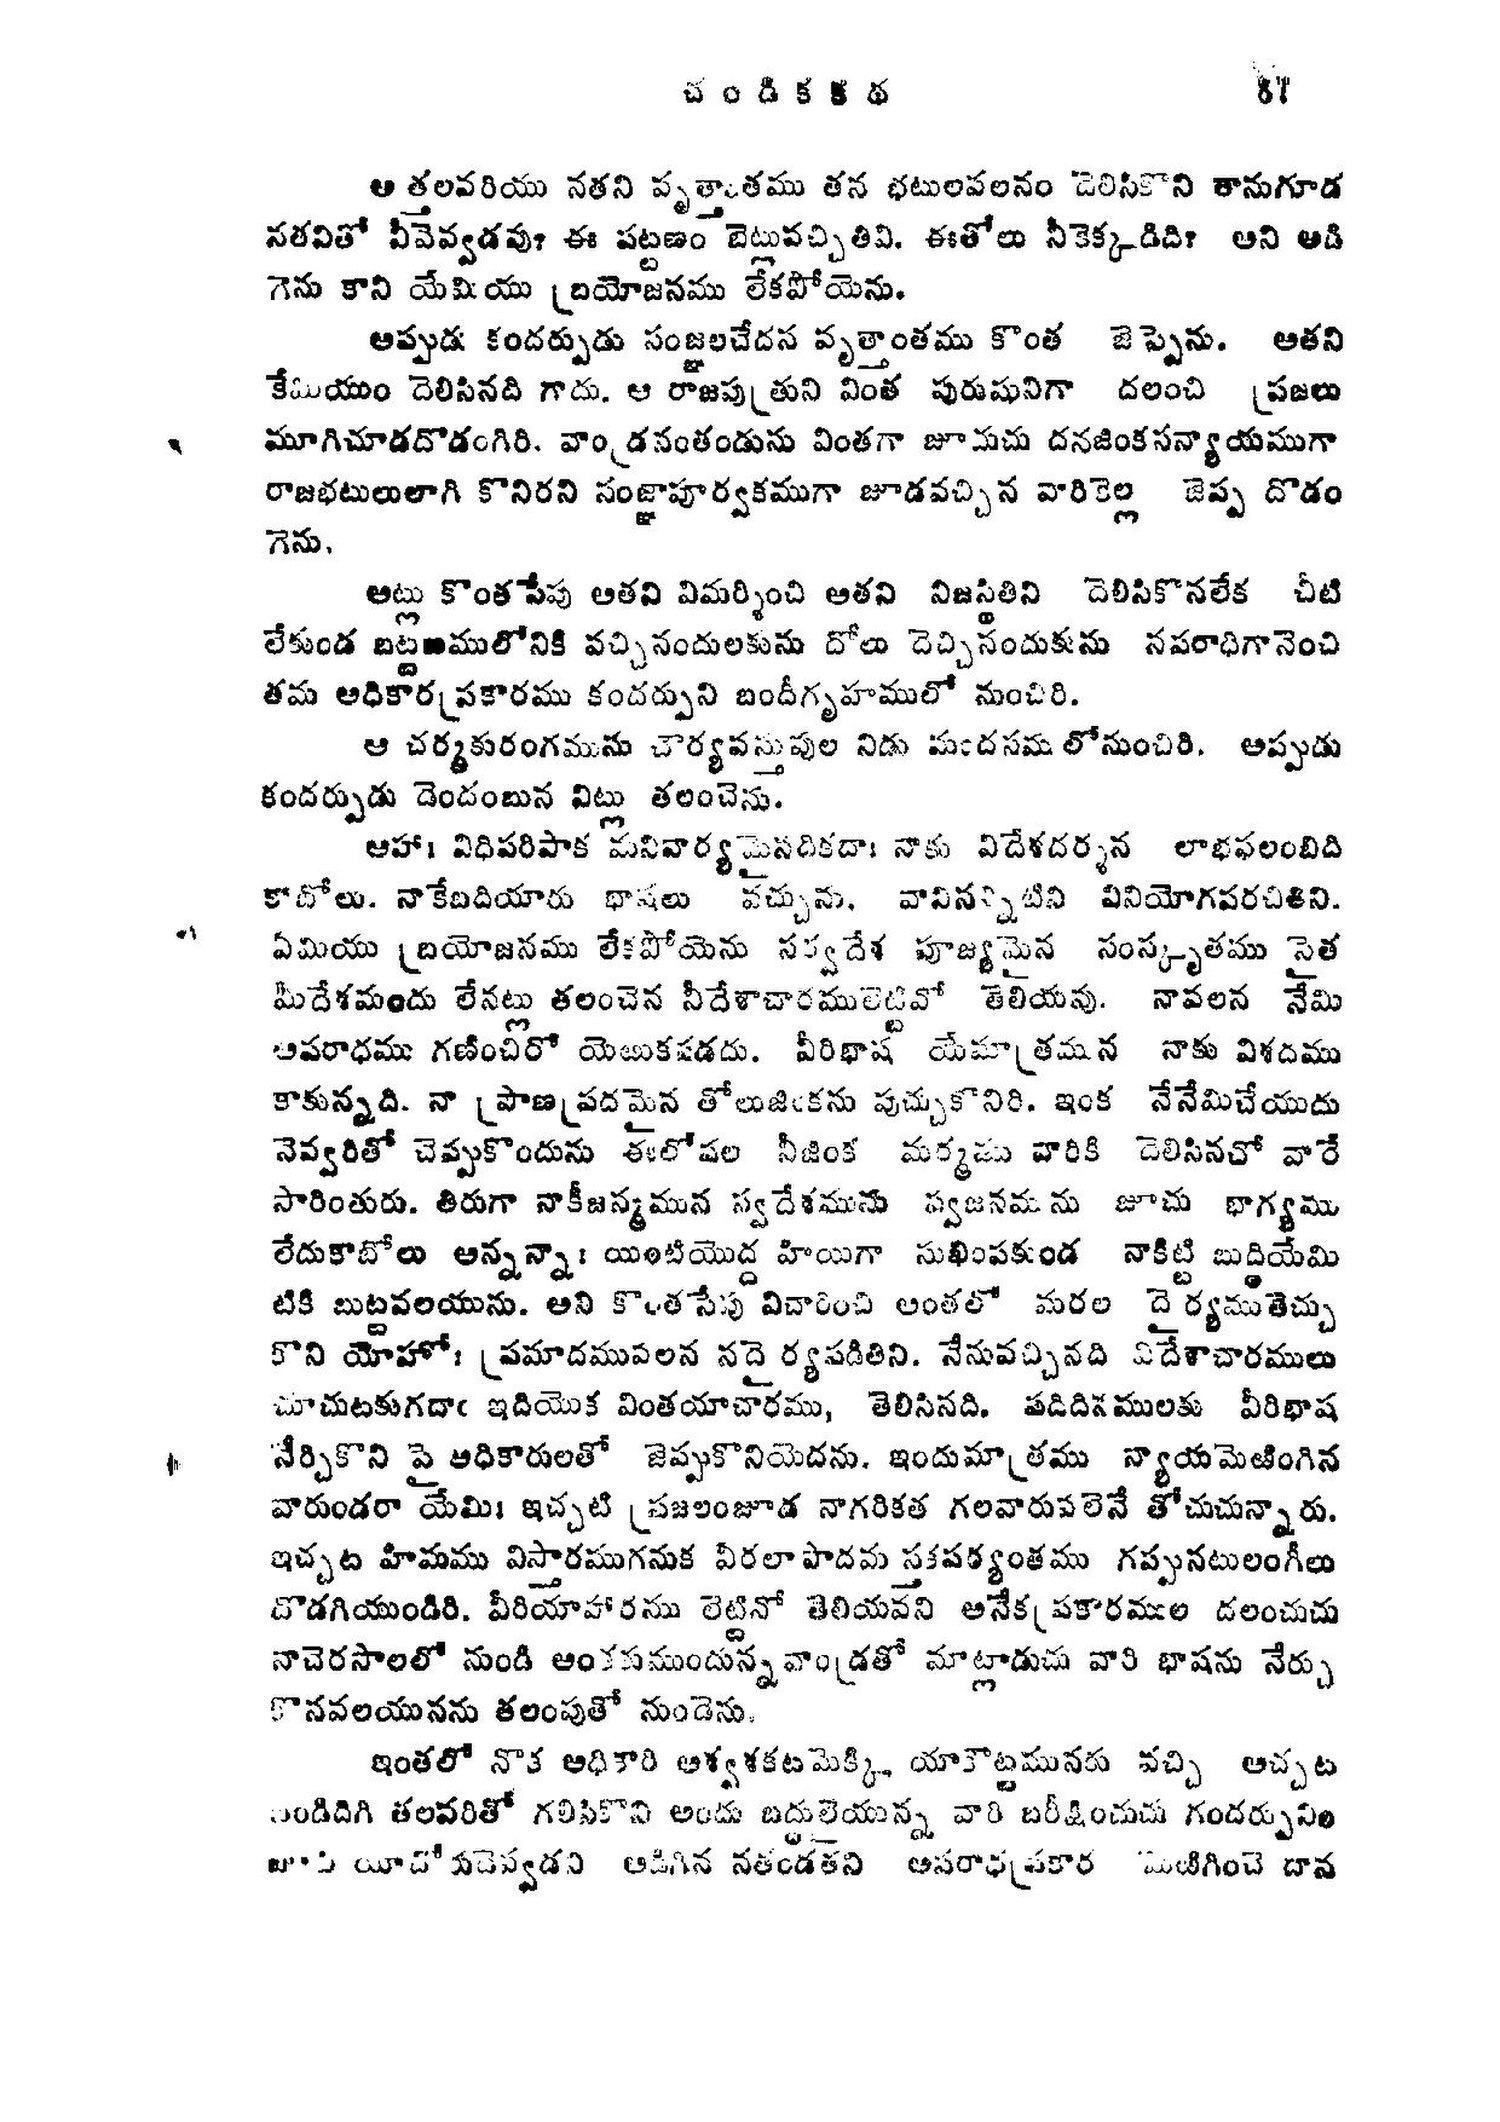అత్తలవరియు నతని వృత్తాంతము తన భటులవలనం దెలిసికొని తానుగూడ నతనితో నీవెవ్వడవు? ఈ పట్టణం బెట్లువచ్చితివి. ఈతోలు నీకెక్కడిది? అని అడిగెను కాని యేమియు బ్రయోజనము లేకపోయెను.

అప్పుడు కందర్పుడు సంజ్ఞలచే దన వృత్తాంతము కొంత జెప్పెను. అతని కేమియుం దెలిసినది గాదు. ఆ రాజపుత్రుని వింతపురుషునిగా దలంచి ప్రజలు మూగిచూడదొడంగిరి. వాండ్ర నతండును వింతగా జూచుచు దనజింక నన్యాయముగా రాజభటులు లాగికొనిరని సంజ్ఞాపూర్వకముగా జూడవచ్చిన వారికెల్ల జెప్పదొడంగెను.

అట్లు కొంతసేపు అతని విమర్శించి అతని నిజస్థితిని దెలిసికొనలేక చీటి లేకుండ బట్టణములోనికి వచ్చినందులకును దోలు దెచ్చినందుకును నపరాధిగానెంచి తమ అధికారప్రకారము కందర్పుని బందీగృహములో నుంచిరి.

ఆ చర్మకురంగమును చౌర్యవస్తువుల నిడు మందసములోనుంచిరి. అప్పుడు కందర్పుడు డెందంబున నిట్లు తలంచెను.

ఆహా! విధిపరిపాక మనివార్యమైనదికదా! నాకు విదేశదర్శనలాభఫలం బిది కాబోలు. నాకే బదియారు భాషలు వచ్చును. వానినన్నిటిని వినియోగపరచితిని. ఏమియు బ్రయోజనము లేకపోయెను సర్వదేశపూజ్యమైన సంస్కృతము సైత మీదేశమందు లేనట్లు తలంచెద. నీదేశాచారము లెట్టివో తెలియవు.
నావలన నేమి అపరాధము గణించిరో యెఱుకపడదు. వీరిభాష యేమాత్రమున నాకు విశదము
కాకున్నది. నా ప్రాణప్రదమైన తోలుజింకను పుచ్చుకొనిరి. ఇంక నే నేమి చేయుదు నెవ్వరితో చెప్పుకొందును ఈలోపల నీజింక మర్మము వారికి దెలిసినచో వారే సారింతురు. తిరుగా నాకీజన్మమున స్వదేశమును స్వజనమును జూచు భాగ్యము లేదుకాబోలు అన్నన్నా! యింటియొద్ద హాయిగా సుఖింపకుండ నాకిట్టి బుద్దియేమిటికి బుట్టవలయును. అని కొంతసేపు విచారించి అంతలో మరల దైర్యముతెచ్చుకొని యోహో, ప్రమాదమువలన నదైర్యపడితిని. నేనువచ్చినది విదేశాచారములు చూచుటకుగదాఁ ఇదియొక వింతయాచారము, తెలిసినది. పదిదినములకు వీరిభాష నేర్చికొని పై అధికారులతో జెప్పుకొనియెదను. ఇందుమాత్రము న్యాయమెఱింగిన వారుండరా యేమి? ఇచ్చటి ప్రజలంజూడ నాగరికత గలవారువలెనే తోచుచున్నారు. ఇచ్చట హిమము విస్తారముగనుక వీరలాపాదమస్తకపర్యంతము గప్పునటు లంగీలు దొడగియుండిరి. వీరియాహారము లెట్టివో తెలియవని అనేకప్రకారముల దలంచుచు నాచెరసాలలో నుండి అంతకుముందున్నవాండ్రతో మాట్లాడుచు వారి భాషను నేర్చుకొనవలయునను తలంపుతో నుండెను.

ఇంతలో నొక అధికారి అశ్వశకట మెక్కి, యాకొట్టమునకు వచ్చి అచ్చట బండి దిగి తలవరితో గలిసికొని అందు బద్ధులైయున్నవారి బరీక్షించుచు గందర్పునిం జూచి యీచోరు డెవ్వడని అడిగిన నతం డతని అపరాధప్రకార మెఱిగించె దాన
.